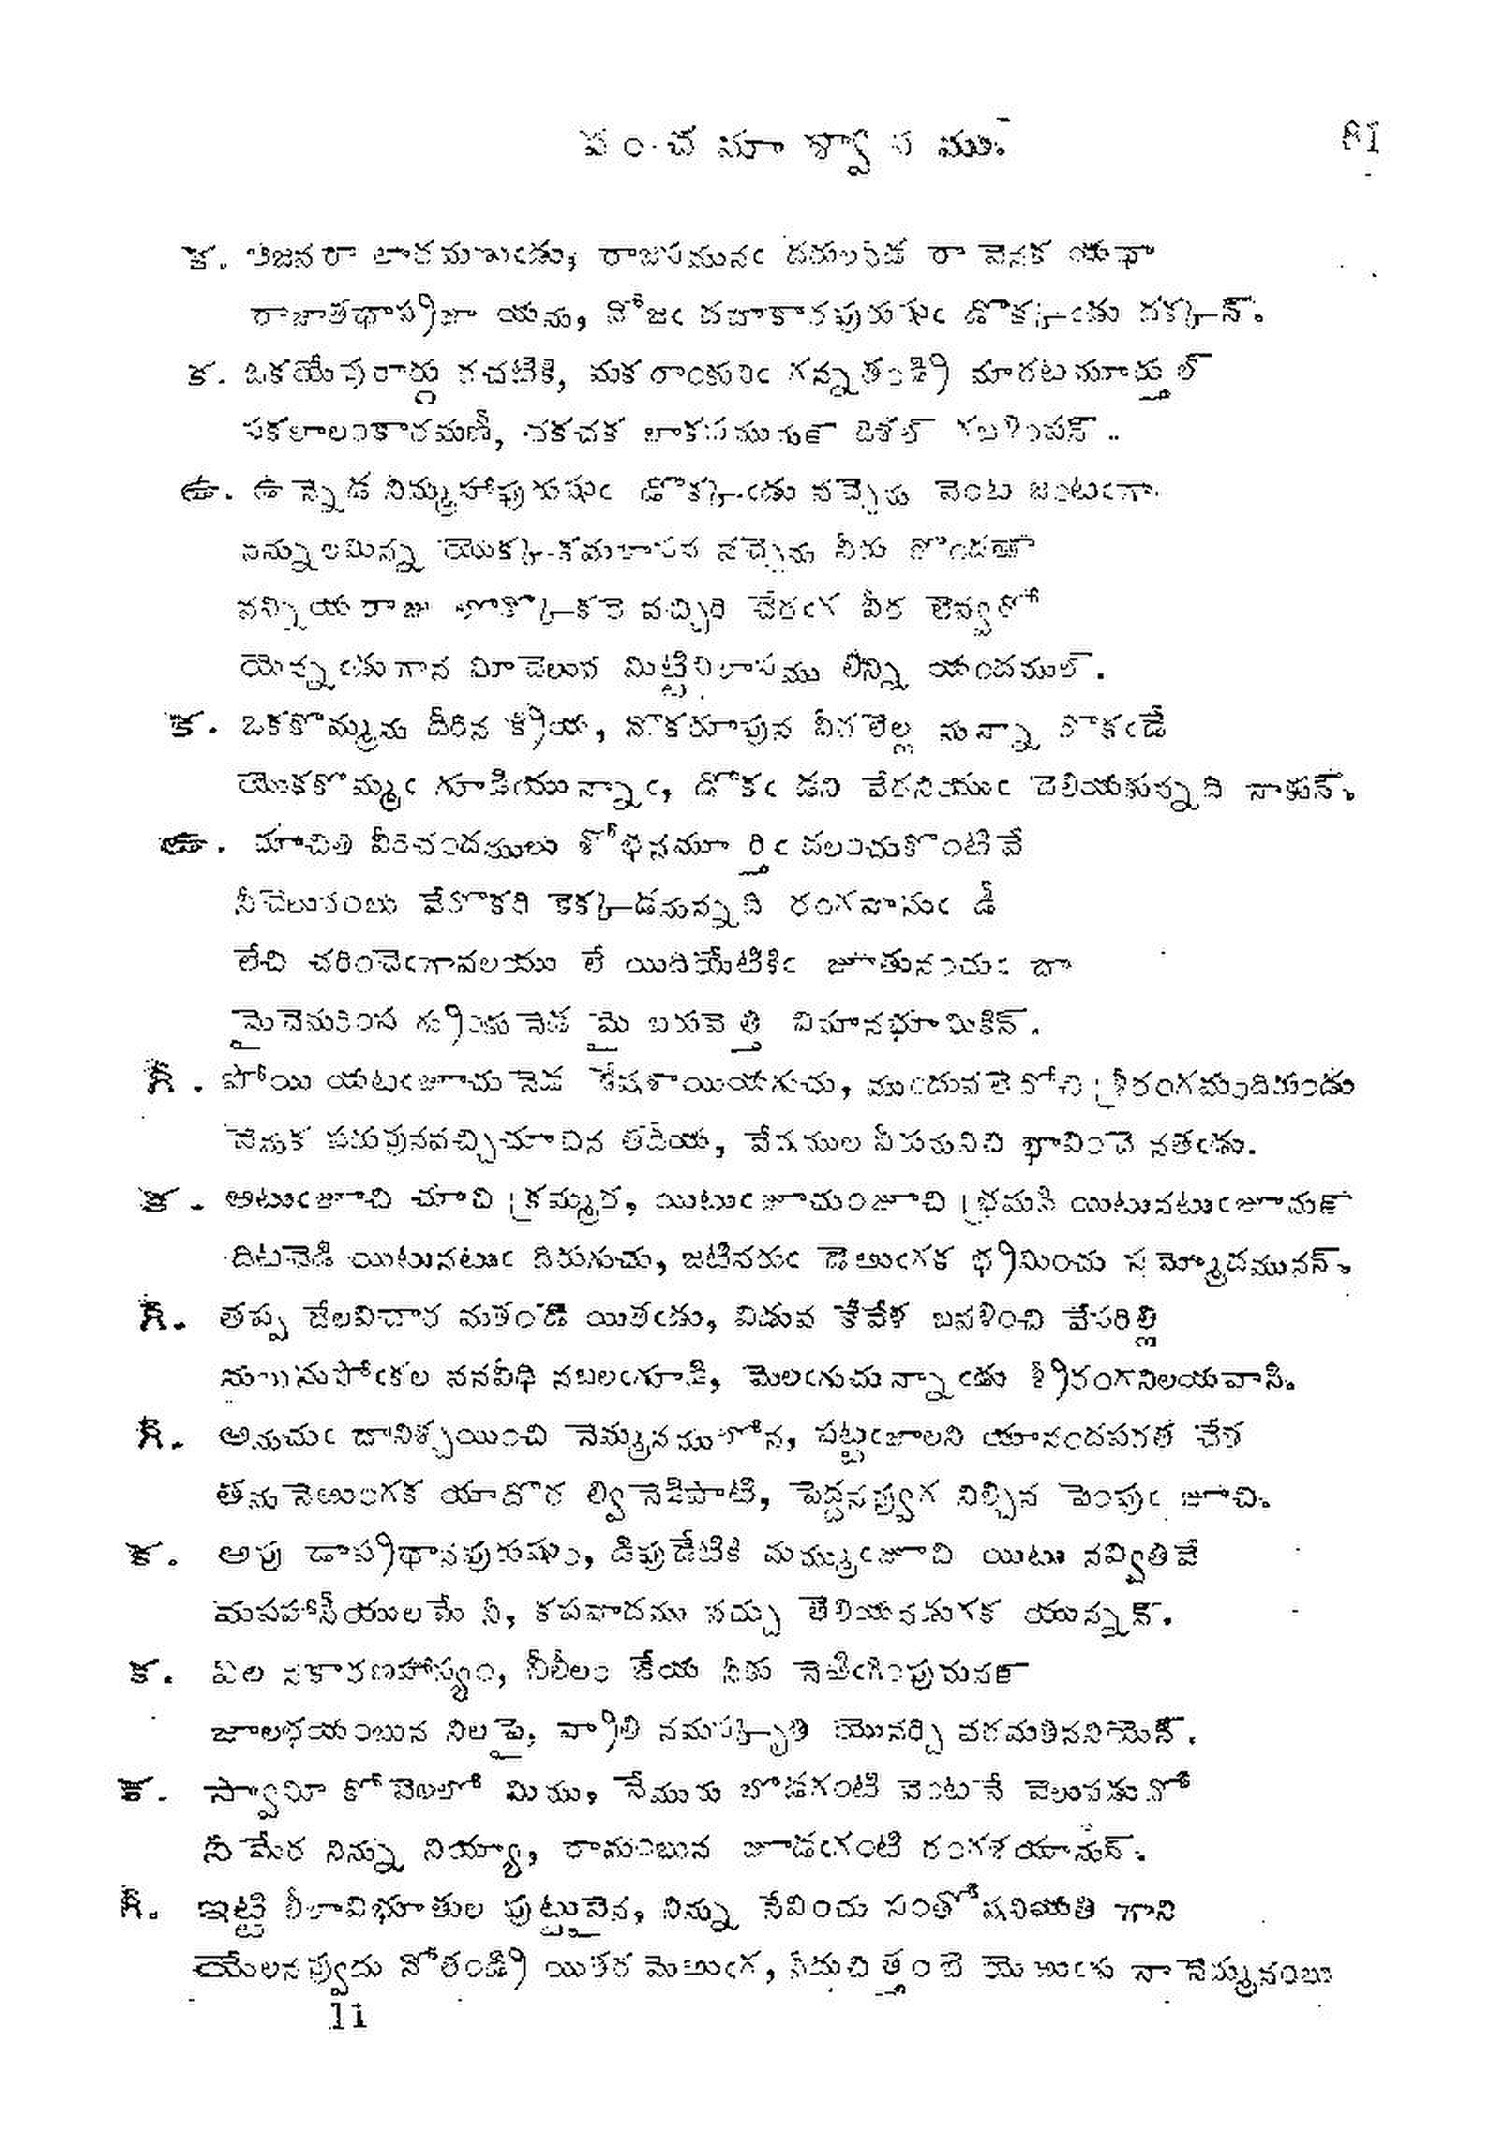క. ఆజవరా లారమణుఁడు, రాజసమునఁ దరులనీడ రా వెనక యథా
 రాజాతథాప్రజా యను, నోజఁ దదాకారపురుషుఁ డొక్కఁడు దక్కన్.
క. ఒకయేవురార్గు రచటికి, మకరాంకునిఁ గన్నతండ్రి మారటమూర్తుల్
 సకళాలంకారమణీ, చకచక లాకసమునున్ దిశల్ గబళింపన్.
ఉ. ఉన్నెడ నిమ్మహాపురుషుఁ డొక్కఁడు వచ్చెను వెంట జంటఁగా
 నన్నులమిన్న యొక్క కమలాసన వచ్చెను వీరు కొందఱా
 నన్నియరాజు లొక్కొకరె వచ్చిరి చేరఁగ వీర లెవ్వరో
 యెన్నఁడు గాన మీచెలువ మిట్టివిలాసము లిన్ని యందముల్.
క. ఒకకొమ్మను దీరిన క్రియ, నొకరూపున వీరలెల్ల నున్నా రొకఁడే
 యొకకొమ్మఁ గూడియున్నాఁ, డొకఁ డని వేరనియుఁ దెలియకున్నది నాకున్.
ఉ. చూచితి వీరిచందములు శోభనమూర్తిఁ దలంచుకొంటివే
 నీచెలువంబు వేరొకరి కెక్కడనున్నది రంగవాసుఁ డీ
 లేచి చరించెఁ గావలయు లే యిది యేటికిఁ జూతునంచుఁ దా
 మైచెమరింప గ్రుంకునెడ మై బరువెత్తి విమానభూమికిన్.
గీ . పోయి యటఁ జూచునెడ శేషశాయియగుచు, ముందువలె దోచి శ్రీరంగమందిరుండు
 వెనుక పరువునవచ్చి చూచిన తదీయ, వేషముల వీరునునిచి భావించె నతఁడు.
క. అటుఁ జూచి చూచి క్రమ్మర, యిటుఁ జూచుం జూచి భ్రమని యిటునటుఁ జూచున్
 దిటచెడి యిటునటుఁ దిరుగుచు, జటివరుఁ డెఱుఁగక భ్రమించు సమ్మోదమునన్.
గీ. తప్ప దేలవిచార మతండె యితఁడు, విడువ కేవేళ బవళించి వేసరిల్లి
 నుబుసుపోఁకల ననవీథి నబలఁగూడి, మెలఁగుచున్నాడు శ్రీరంగనిలయవాసి.
గీ. అనుచుఁ దానిశ్చయించి నెమ్మనములోన, పట్టఁజాలని యానందపరత చేత
 తను నెఱుంగక యాదొర ల్వినెడిపాటి, పెద్దనవ్వుగ నిల్చిన పెంపుఁ జూచి.
క. అపు డాప్రధానపురుషుం, డిపు డేటికి మమ్ముఁ జూచి యిటు నవ్వితివే
 మపహాసీయులమే నీ, కపవాదము వచ్చు తెలియనడుగక యున్నన్.
క. ఏల నకారణహాస్యం, బీలీలం జేయ నీకు నెఱిగింపుమనన్
 జాలభయంబున నిలపై, వ్రాలి నమస్కృతి యొనర్చి వరమతిననియెన్.
క. స్వామీ కోవెలలో మిము, నేమును బొడగంటి వెంటనే వెలువడుచో
 నీమేర నిన్ను నియ్యా, రామంబున జూడఁగంటి రంగశయానున్.
గీ. ఇట్టి లీలావిభూతుల పుట్టువైన, నిన్ను సేవించు సంతోషనియతి గాని
 యేలనవ్వుదు నోతండ్రి యితర మెఱుఁగ, నీదుచిత్తంబె యెఱుఁగు నా నెమ్మనంబు.